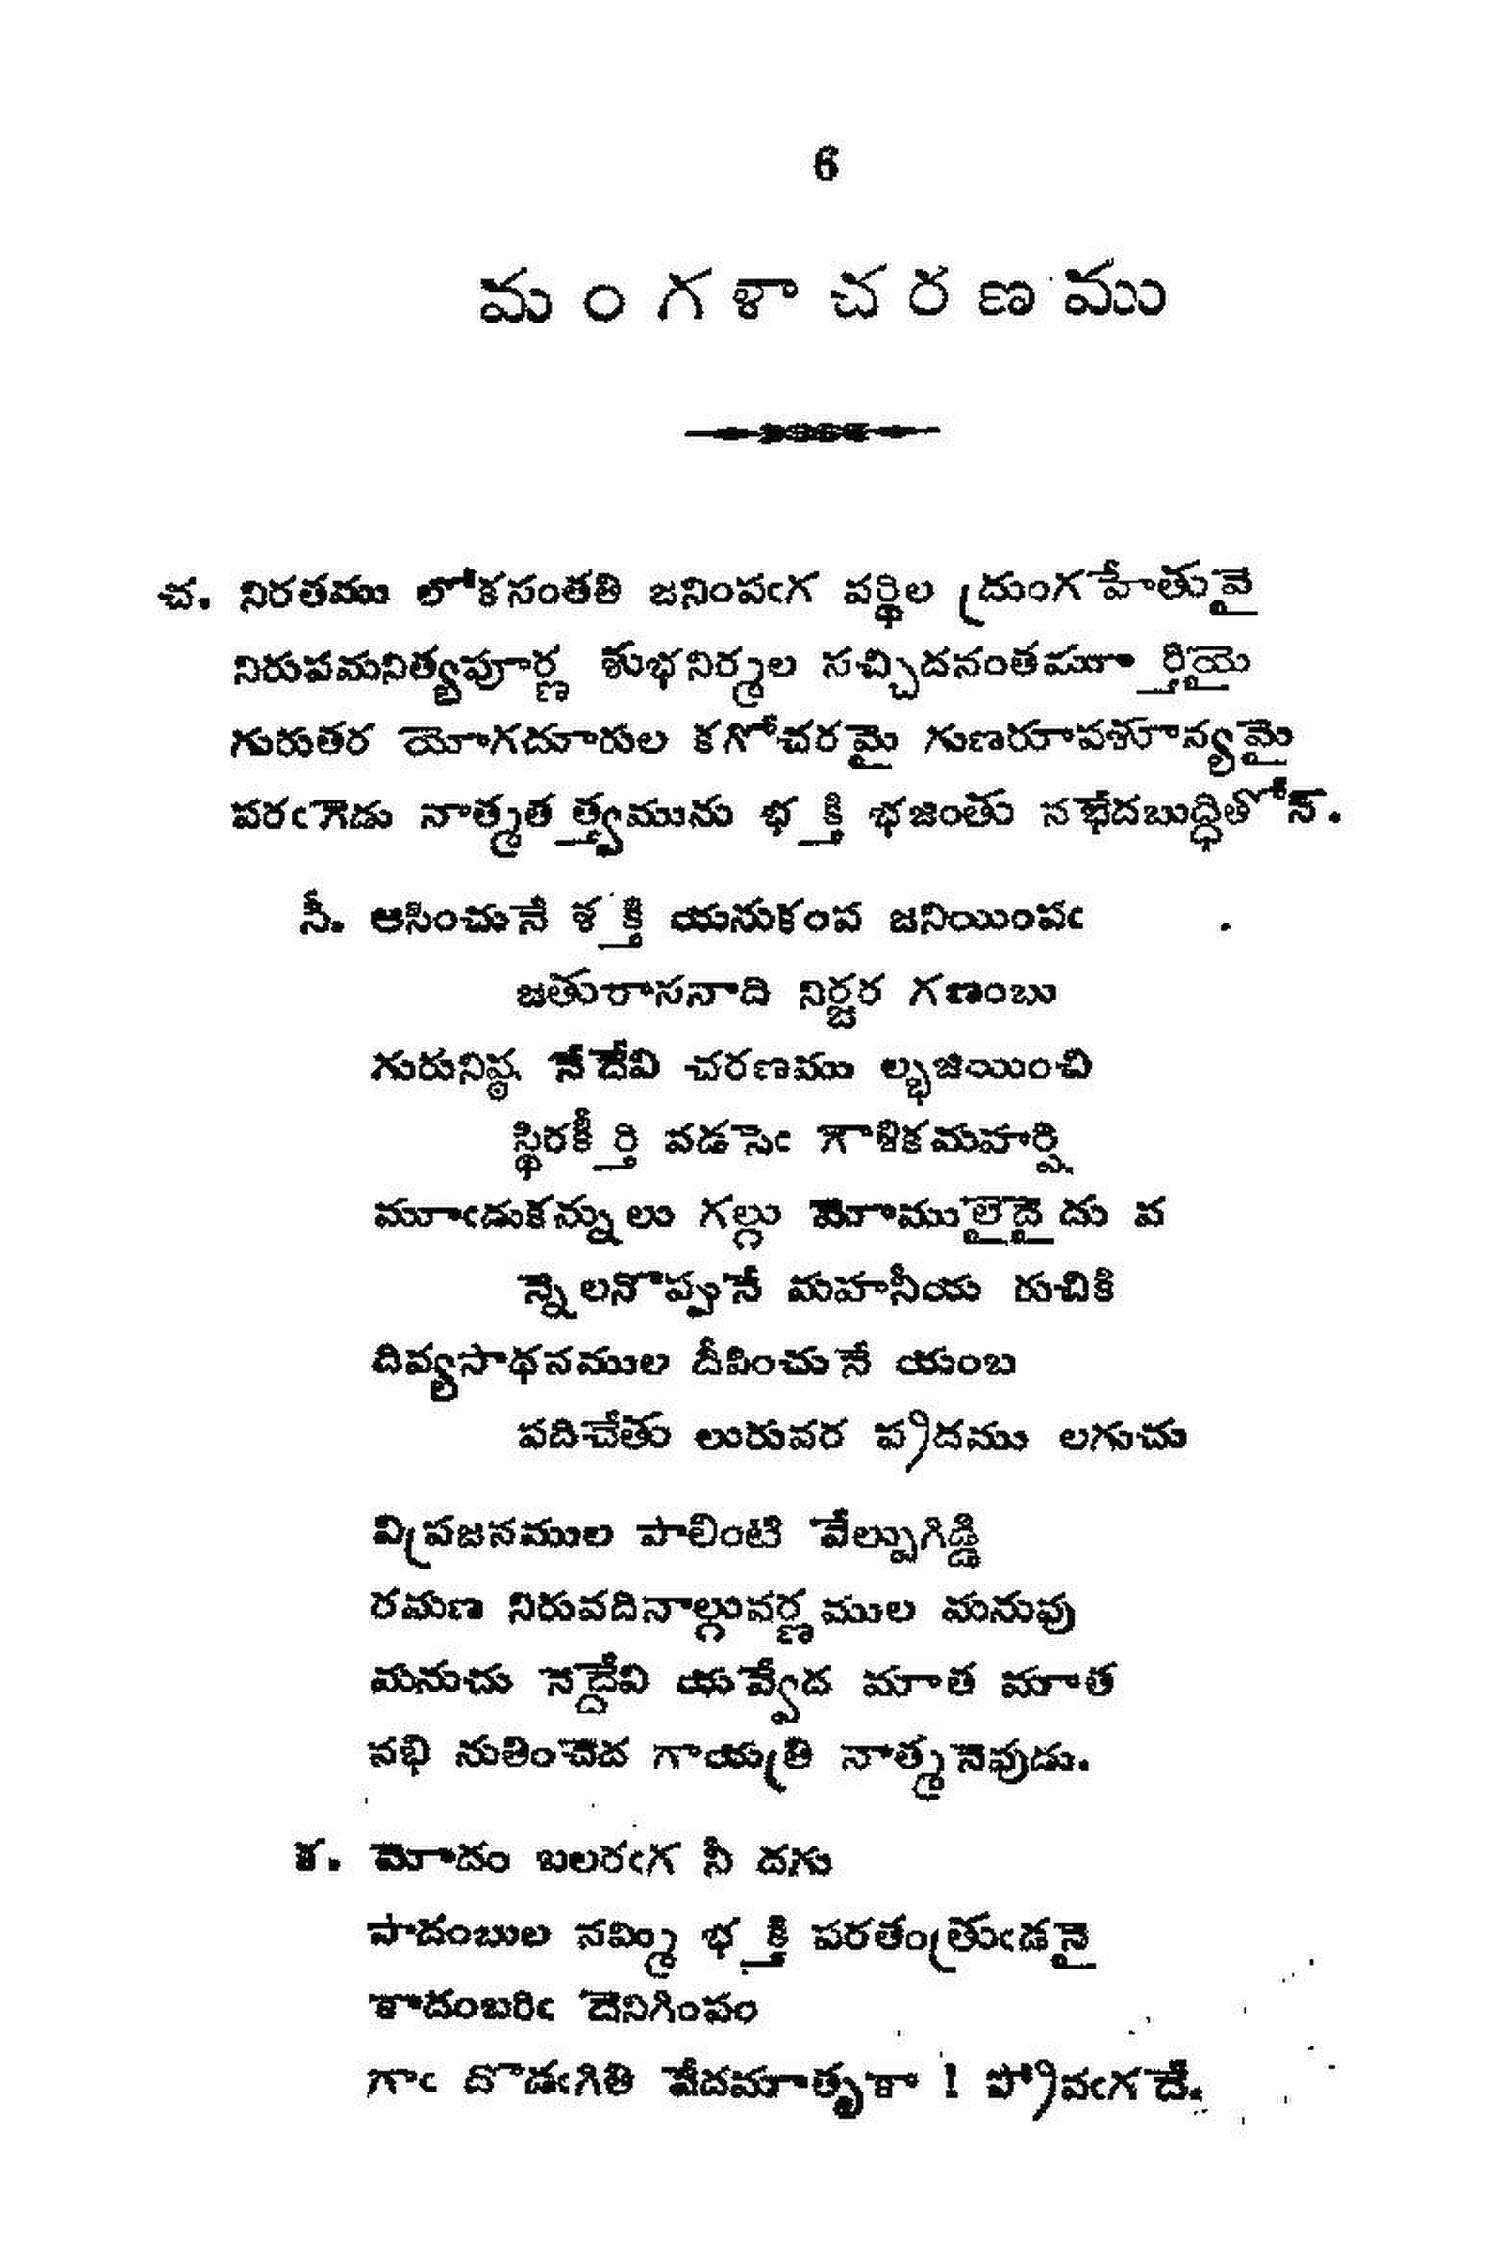మంగళాచరణము

చ. నిరతము లోకసంతతి జనింపఁగ వర్థిల ద్రుంగహేతువై
 నిరుపమనిత్యపూర్ణ శుభనిర్మల సచ్చిదనంతమూర్తియై
 గురుతర యోగదూరుల కగోచరమై గుణరూపశూన్యమై
 పరఁగెడు నాత్మతత్త్వమును భక్తి భజింతు నభేదబుద్ధితోన్.

సీ. ఆసించునే శక్తి యనుకంప జనియింపఁ
 జతురాసనాది నిర్జర గణంబు
 గురునిష్ఠ నేదేవి చరణము ల్భజియించి
 స్థిరకీర్తి వడసెఁ గౌశికమహర్షి
 మూఁడుకన్నులు గల్గు మోములైదైదు వ
 న్నెలనొప్పునే మహనీయ రుచికి
 దివ్యసాథనముల దీపించునే యంబ
 పతిచేతు లురువర ప్రదము లగుచు

 విప్రజనముల పాలింటి వేల్పుగిడ్డి
 రమణ నిరువదినాల్గువర్ణముల మనువు
 మనుచు నెద్దేవి యవ్వేద మాత మాత
 నభి నుతించెద గాయత్రి నాత్మ నెపుడు.

క. మోదం బలరఁగ నీ దగు
 పాదంబుల నమ్మి భక్తి పరతంత్రుఁడనై
 కాదంబరిఁ దెనిగింపం
 గాఁ దొడఁగితి వేదమాతృకా ! ప్రోవఁగదే.